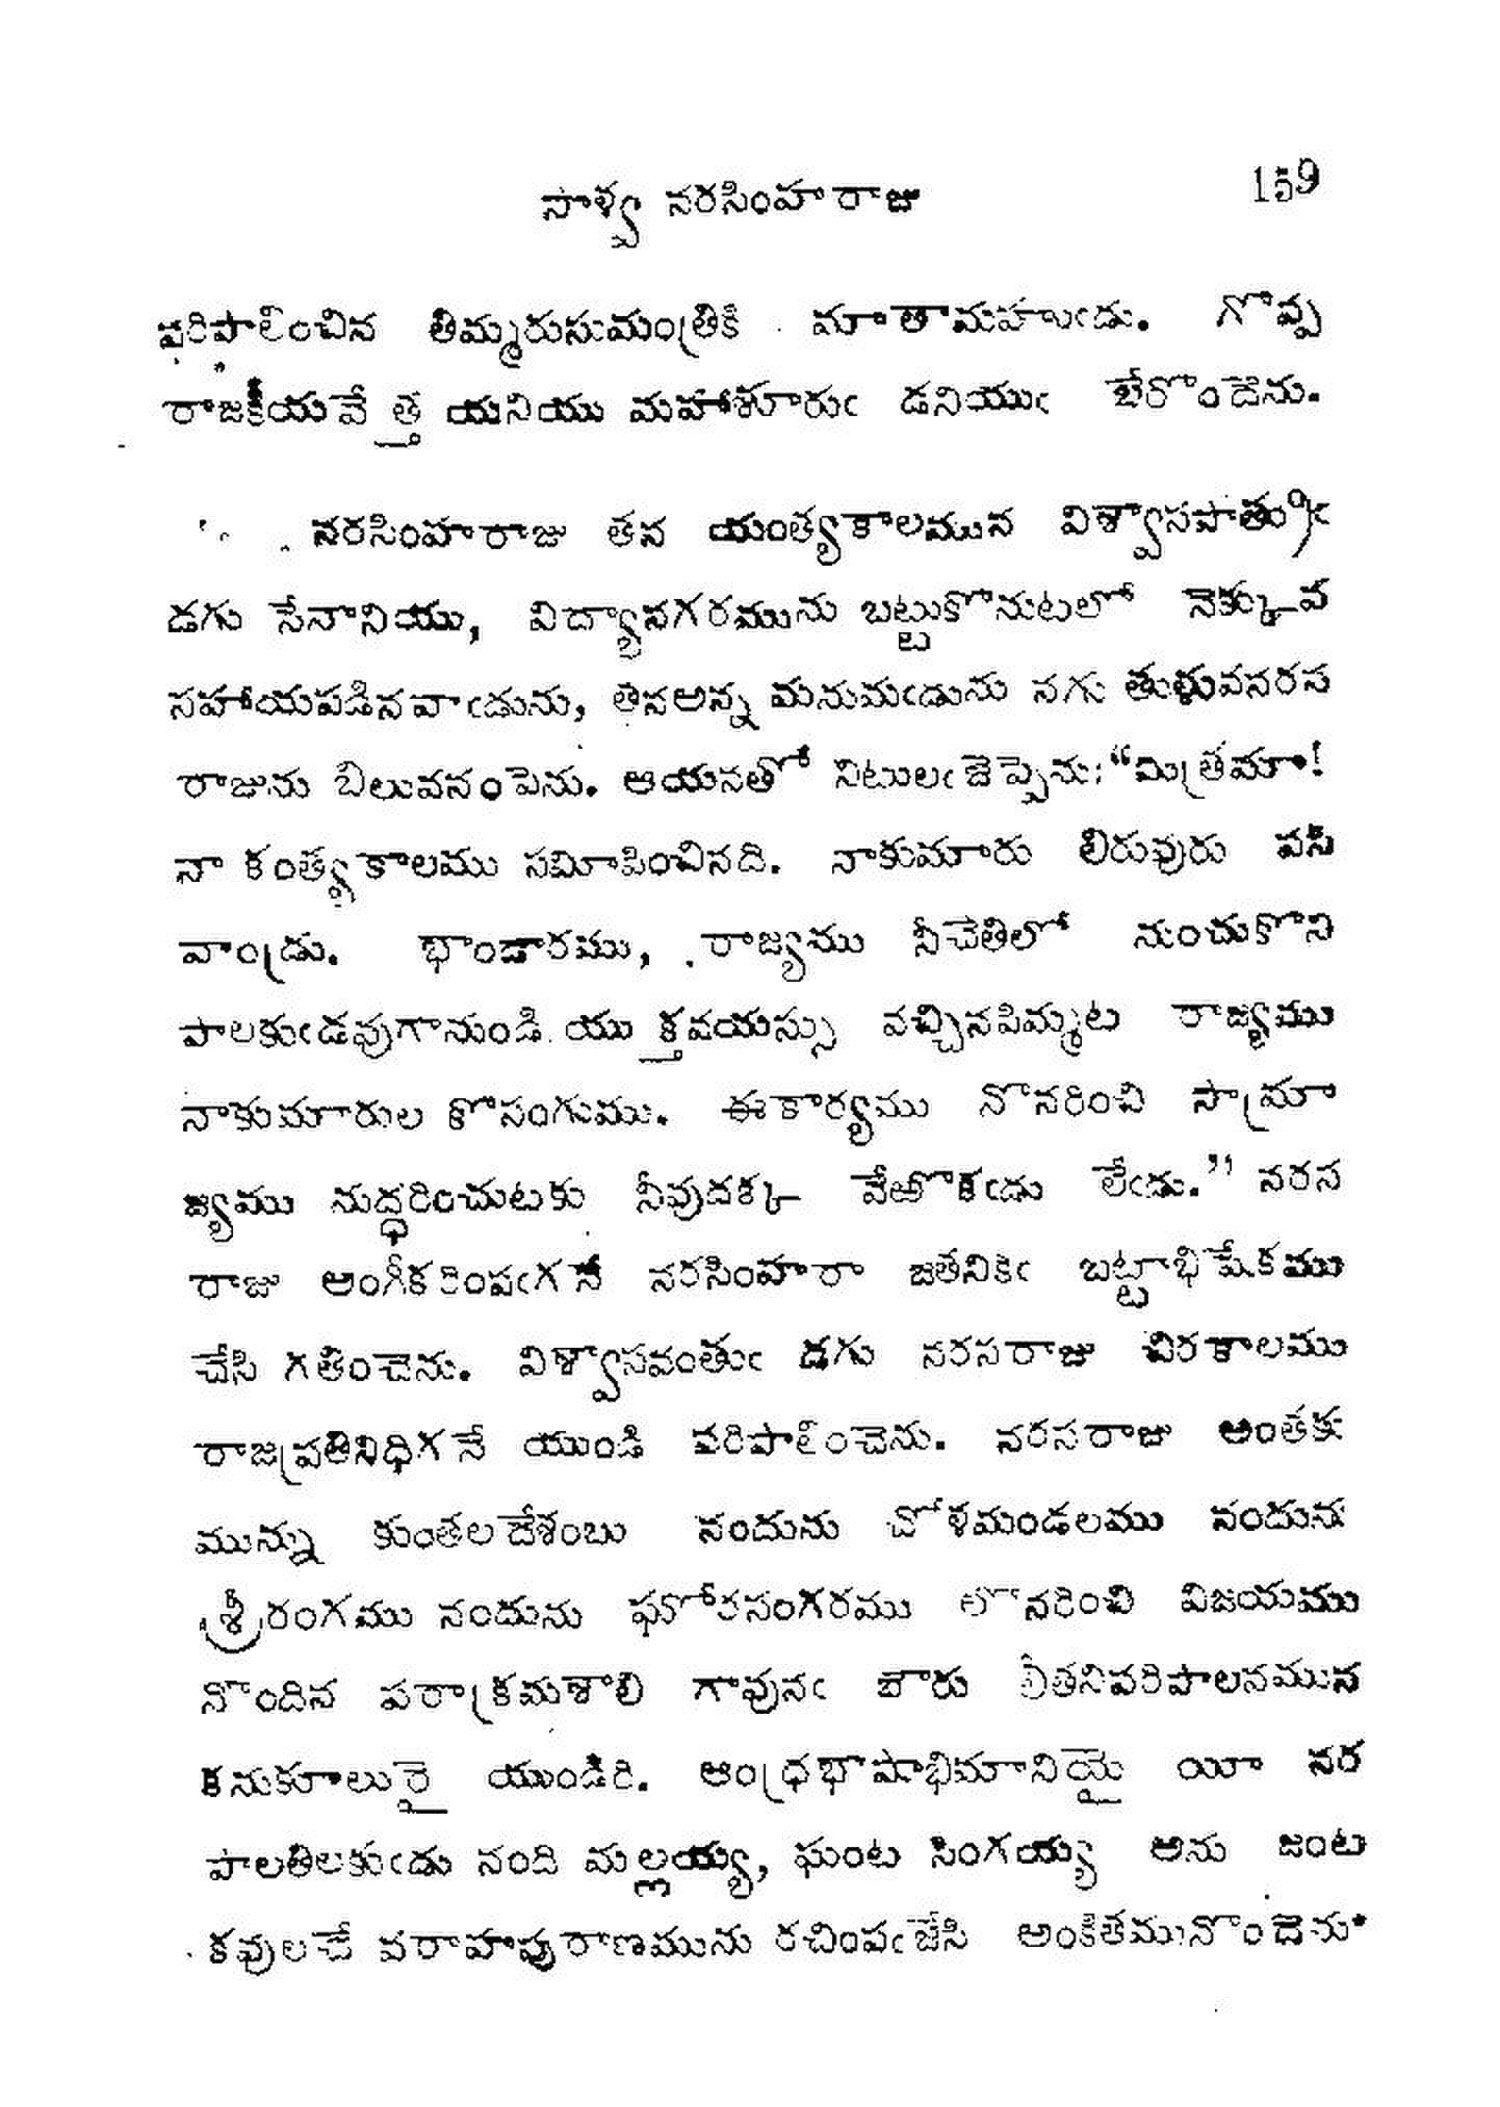పరిపాలించిన తిమ్మరుసుమంత్రికి మాతామహుడు. గొప్ప రాజకీయవేత్త యనియు మహాశూరు డనియు బేరొందెను.

నరసింహరాజు తన యంత్యకాలమున విశ్వాసపాత్రుడగు సేనానియు, విద్యానగరమును బట్టుకొనుటలో నెక్కువ సహాయపడినవాడును, తన అన్న మనుమడును నగు తుళువనరసరాజును బిలువనంపెను. ఆయనతో నిటుల జెప్పెను: "మిత్రమా! నా కంత్యకాలము సమీపించినది. నాకుమారు లిరువురు పసివాండ్రు. భాండారము, రాజ్యము నీచేతిలో నుంచుకొని పాలకుడవుగానుండి యుక్తవయస్సు వచ్చినపిమ్మట రాజ్యము నాకుమారుల కొసంగుము. ఈకార్యము నొనరించి సామ్రాజ్యము నుద్ధరించుటకు నీవుదక్క వేఱొకడు లేడు." నరసరాజు అంగీకరింపగనే నరసింహరా జతనికి బట్టాభిషేకము చేసి గతించెను. విశ్వాసవంతుడగు నరసరాజు చిరకాలము రాజప్రతినిధిగనే యుండి పరిపాలించెను. నరసరాజు అంతకుమున్ను కుంతలదేశంబు నందును చోళమండలము నందును శ్రీరంగము నందును ఘోరసంగరము లొనరించి విజయము నొందిన పరాక్రమశాలి గావున బౌరు లీతనిపరిపాలనమున కనుకూలురై యుండిరి. ఆంధ్రభాషాభిమానియై యీ నరపాలతిలకుడు నంది మల్లయ్య, ఘంట సింగయ్య అను జంటకవులచే వరాహపురాణమును రచింపజేసి అంకితమునొందెను.